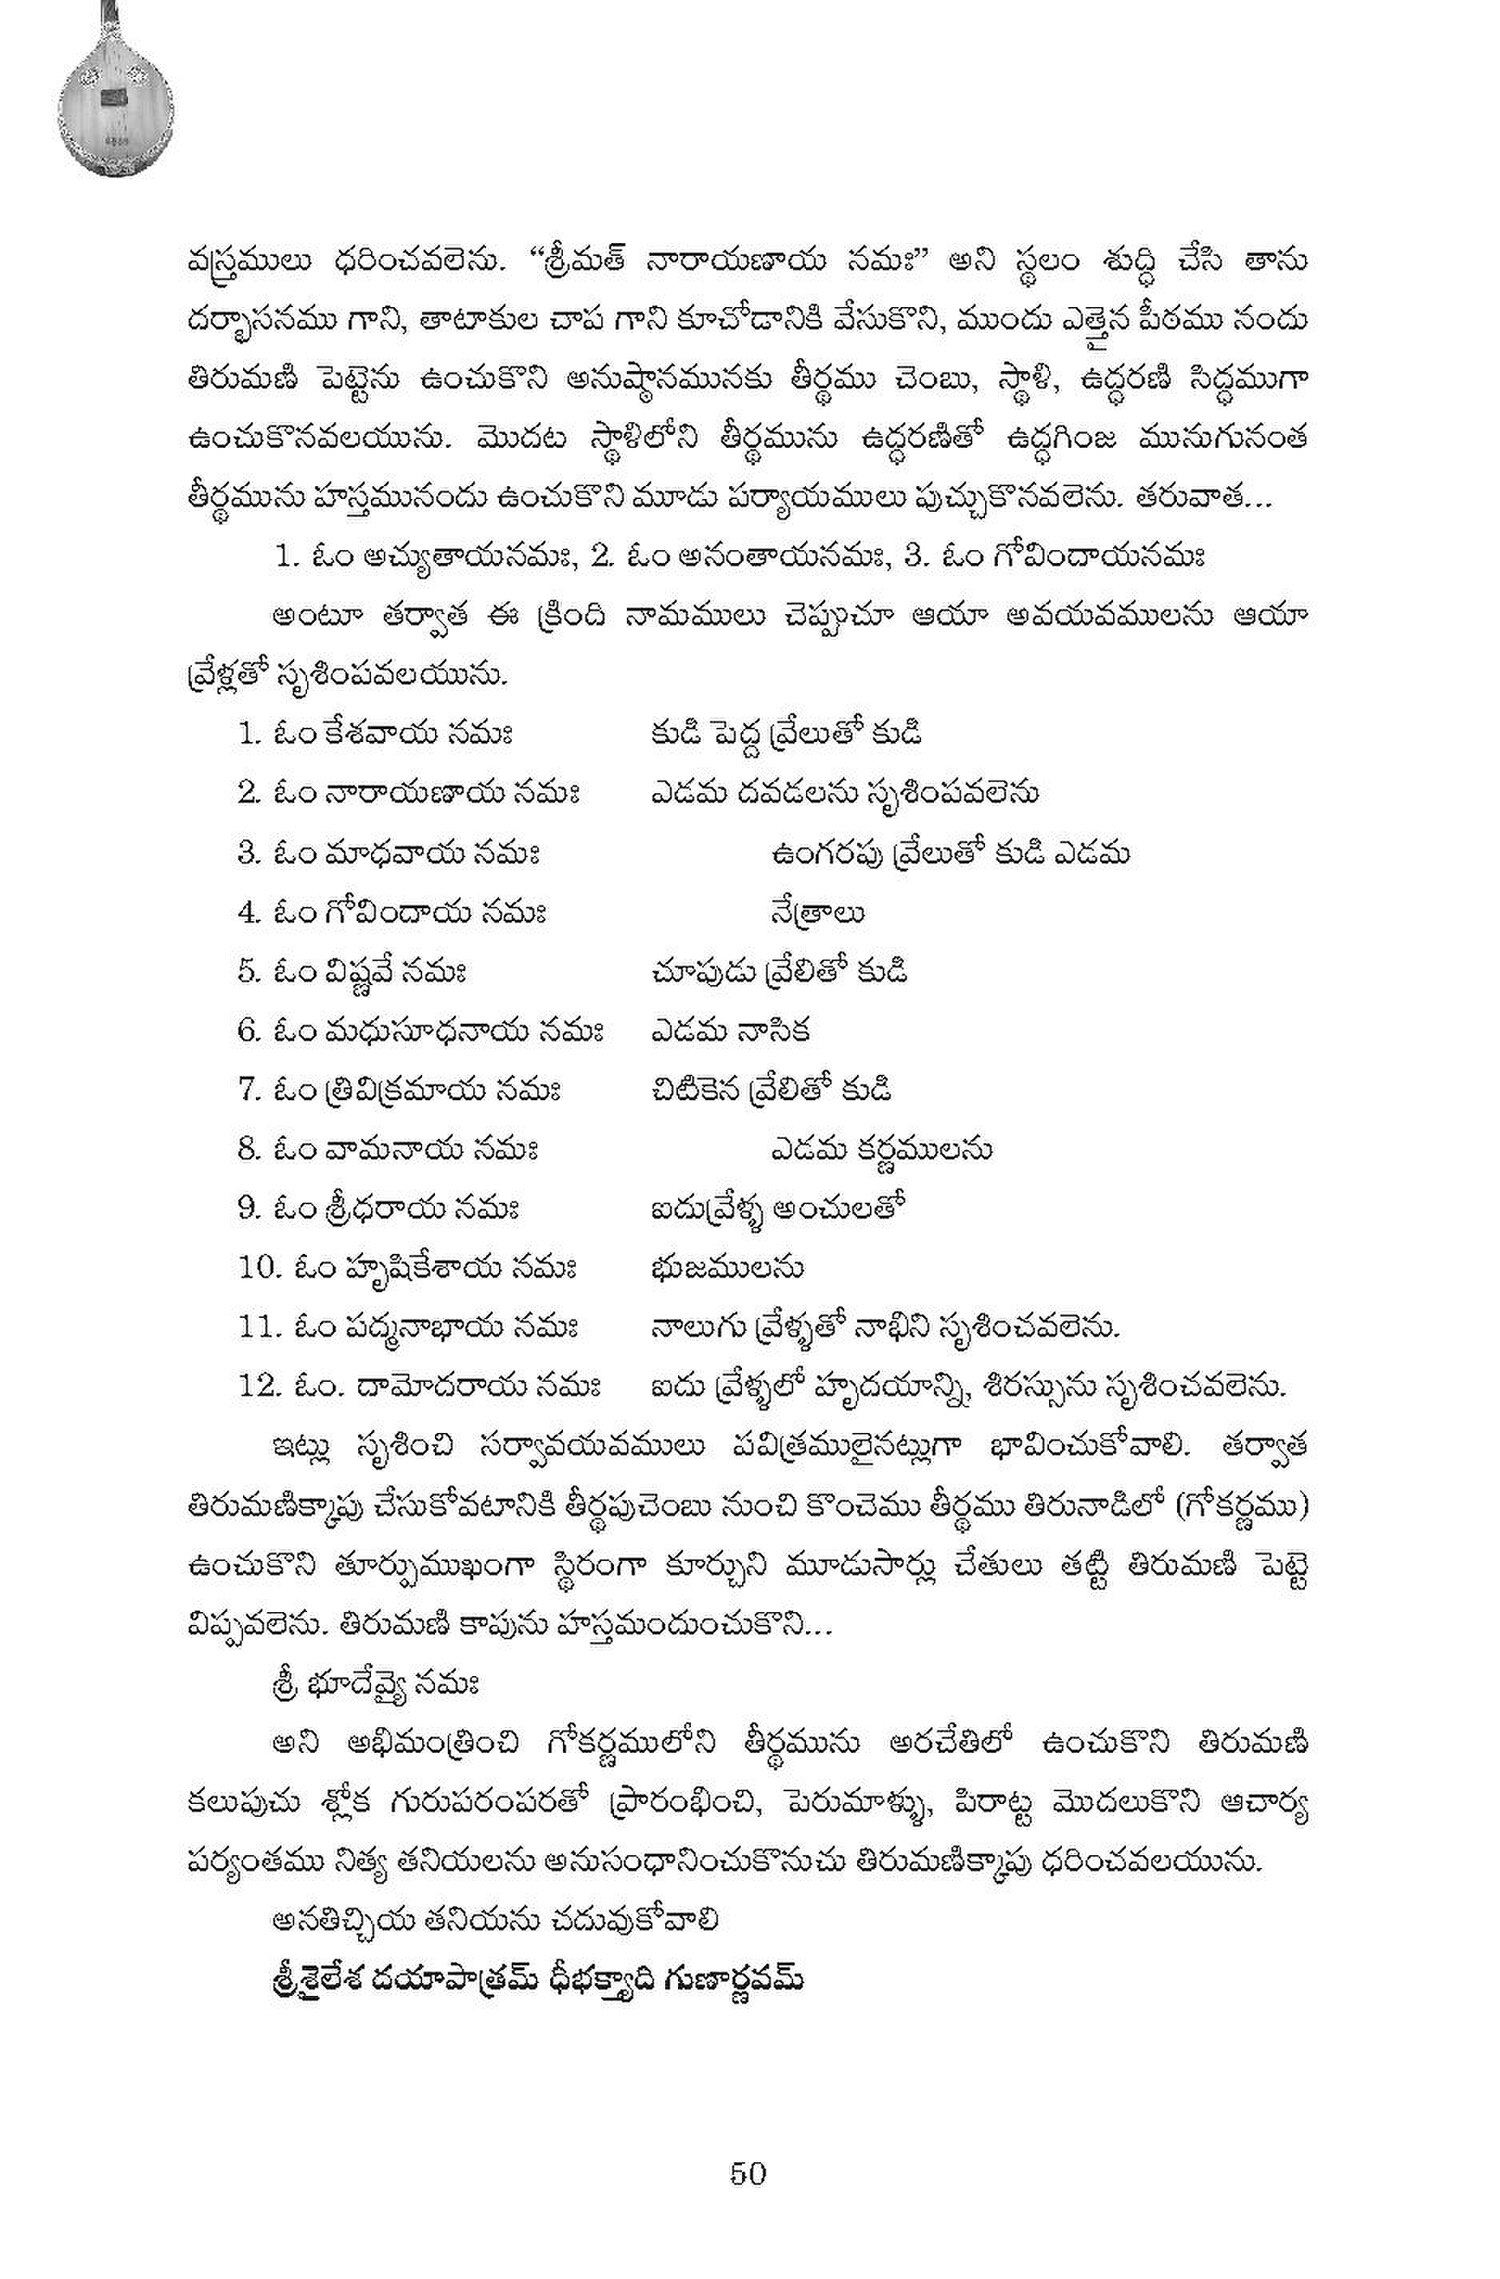వస్త్రములు ధరించవలెను. “శ్రీమత్ నారాయణాయ నమః అని స్థలం శుద్ధి చేసి తాను దర్భాసనము గాని, తాటాకుల చాప గాని కూచోడానికి వేసుకొని, ముందు ఎత్తైన పీఠము నందు తిరుమణి పెట్టెను ఉంచుకొని అనుష్ఠానమునకు తీర్థము చెంబు, స్థాళి, ఉద్ధరణి సిద్ధముగా ఉంచుకొనవలయును. మొదట స్థాళిలోని తీర్థమును ఉద్ధరణితో ఉద్దగింజ మునుగునంత తీర్థమును హస్తమునందు ఉంచుకొని మూడు పర్యాయములు పుచ్చుకొనవలెను. తరువాత...
1. ఓం అచ్యుతాయనమః, 2. ఓం అనంతాయనమః, 3. ఓం గోవిందాయనమః
అంటూ తర్వాత ఈ క్రింది నామములు చెప్పుచూ ఆయా అవయవములను ఆయా వ్రేళ్లతో సృశింపవలయును.
+ 1. ఓం కేశవాయ నమః కుడి పెద్ద వ్రేలుతో కుడి 2. ఓం నారాయణాయ నమః ఎడమ దవడలను సృశింపవలెను 3. ఓం మాధవాయ నమః ఉంగరపు వ్రేలుతో కుడి ఎడమ 4. ఓం గోవిందాయ నమః నేత్రాలు 5. ఓం విష్ణవే నమః చూపుడు వ్రేలితో కుడి 6. ఓం మధుసూధనాయ నమః ఎడమ నాసిక 7. ఓం త్రివిక్రమాయ నమః చిటికెన వ్రేలితో కుడి 8. ఓం వామనాయ నమః ఎడమ కర్ణములను 9. ఓం శ్రీధరాయ నమః ఐదువ్రేళ్ళ అంచులతో 10. ఓం హృషికేశాయ నమః భుజములను 11. ఓం పద్మనాభాయ నమః నాలుగు వ్రేళ్ళతో నాభిని సృశించవలెను 12. ఓం. దామోదరాయ నమః ఐదు వ్రేళ్ళలో హృదయాన్ని, శిరస్సును సృశించవలెను.
ఇట్లు సృశించి సర్వావయవములు పవిత్రములైనట్లుగా భావించుకోవాలి. తర్వాత తిరుమణిక్కాపు చేసుకోవటానికి తీర్థపుచెంబు నుంచి కొంచెము తీర్థము తిరునాడిలో (గోకర్ణము) ఉంచుకొని తూర్పుముఖంగా స్థిరంగా కూర్చుని మూడుసార్లు చేతులు తట్టి తిరుమణి పెట్టె విప్పవలెను. తిరుమణి కాపును హస్తమందుంచుకొని...

శ్రీ భూదేవ్యై నమః

అని అభిమంత్రించి గోకర్ణములోని తీర్థమును అరచేతిలో ఉంచుకొని తిరుమణి కలుపుచు శ్లోక గురుపరంపరతో ప్రారంభించి, పెరుమాళ్ళు, పిరాట్ట మొదలుకొని ఆచార్య పర్యంతము నిత్య తనియలను అనుసంధానించుకొనుచు తిరుమణిక్కాపు ధరించవలయును.

అనతిచ్చియ తనియను చదువుకోవాలి

శ్రీశైలేశ దయాపాత్రమ్ ధీభక్త్యాది గుణార్ణవమ్